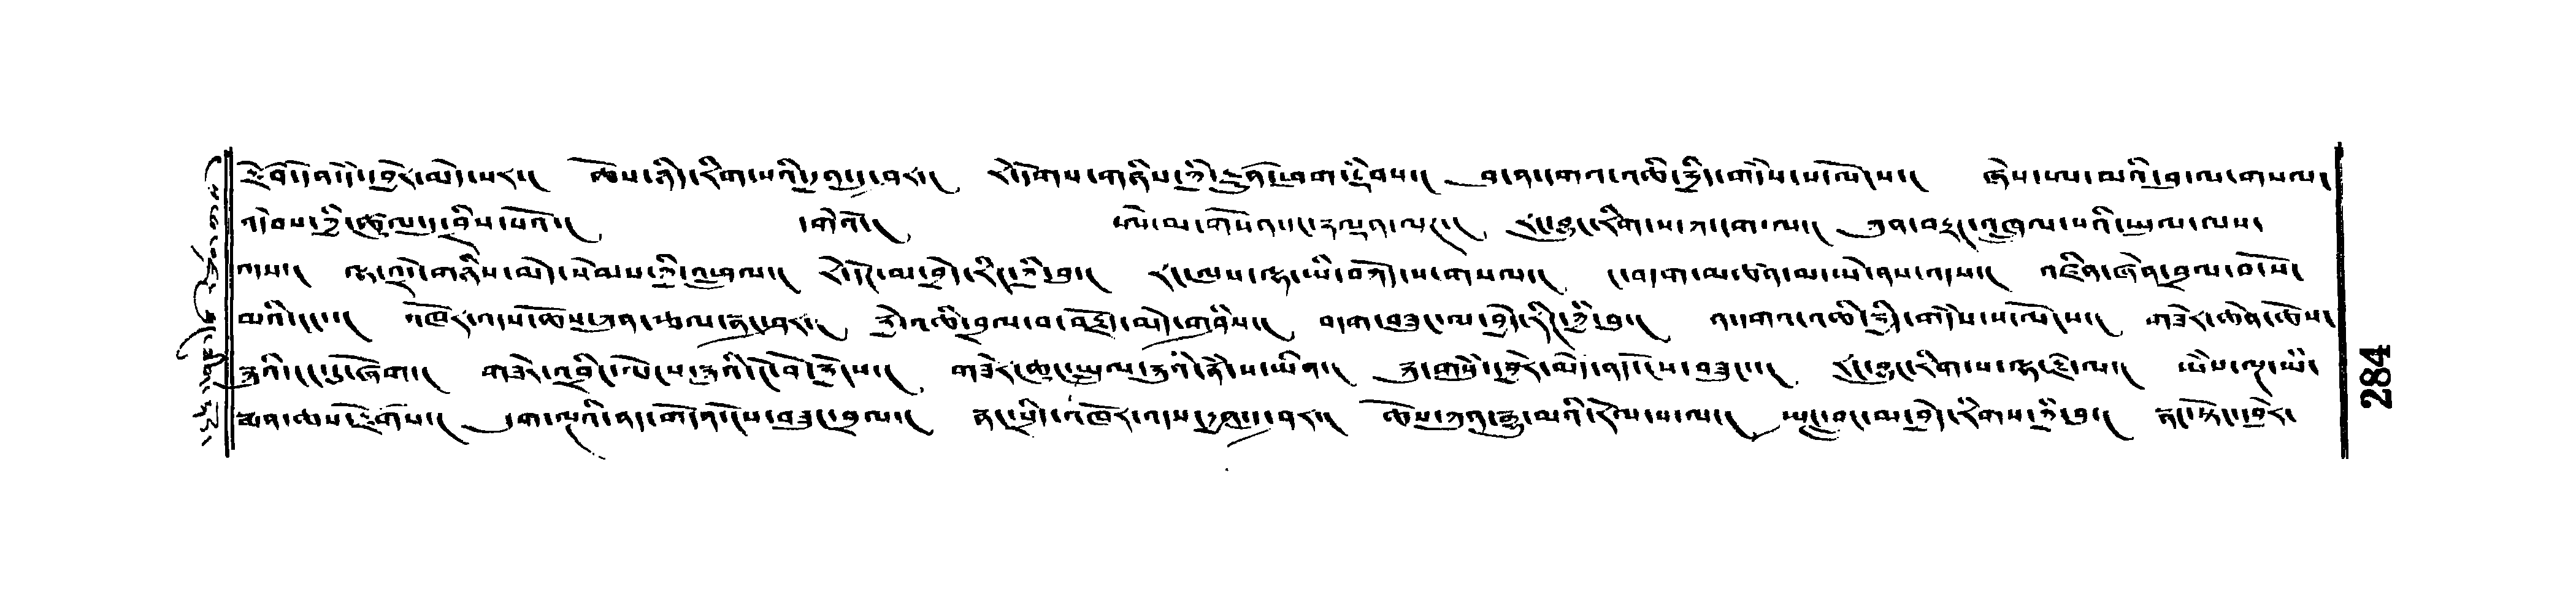རྫོབ་དོན་མེད་དབྱེར་མེད་པར། །ཆོས་ཉིད་རིག་པའི་རྒྱན་དུ་ཤར། །རེ་དོགས་གཉིས་ཀྱི་རྫུན་ཕུག་རྡིབས། །བུ་ན་དགའ་འཆི་སྐྱིད་གདམས་པ་ལོངས། ཞེས་ཨ་མའི་བུ་ལ་གསལ་
འདེབས་ཀྱི་ཚུལ་དུ་བྲིས་པའོ།། དགེའོ།། ཨེ་མ་གསོན་དང་སྐལ་ལྡན་ལགས། །རང་བྱུང་རིག་པ་ཀ་དག་ལ། །ཀུན་བརྟགས་འཁྲུལ་པའི་ཡུལ་ལས་
འདས། །ལྷ་འདྲེ་གཉིས་མེད་སེམས་ཀྱི་འཕྲུལ། །རེ་དོགས་མ་བྱེད་རིགས་ཀྱི་བུ། རང་ལུས་ལྷ་ཡི་བཀོད་པ་གསལ། །ང་བདག་མཚན་མ་ཡེ་ནས་འདས། །འཛིན་ཞེན་བྲལ་བ་སོ་
མའི་ངང་། །འཁོར་འདས་ཆོས་ཀུན་རྩལ་སྣང་ཤར། །སྐྱེ་འཆི་བྲལ་བ་བརྗོད་མེད་གཤིས། །བདག་བཟུང་མ་བྱེད་རིགས་ཀྱི་བུ། །ན་དགའ་འཆི་སྐྱིད་གདམས་པ་ལོངས། །གཟེར་ཆེན་ཆོས་
སྐུའི་ངང་དུ་ཞོག །གཟེར་འབྲིང་ལོངས་སྐུའི་ངོ་བོ་སྐྱོངས། །གཟེར་ཆུང་སྤྲུལ་སྐུའི་རྣམ་པ་ཡིན། །སྐུ་གསུམ་དབྱེར་མེད་ནད་ངོས་བཟུང་། །རང་བྱུང་རིག་པ་ལྷ་རྗེ་ལ། །ཡེ་ཤེས་ལྔ་ཡི་
སྨན་ཆས་རྫོགས། །དུག་ལྔའི་ནད་གདོན་ངོས་བཟུང་བྲལ། །སྣང་སྲིད་འཁོར་འདས་རྒྱན་དུ་ཤར། །ཆོས་ཀུན་སྒྱུ་མའི་རོལ་པ་ལ། །སྤང་བླང་མ་བྱེད་རིགས་ཀྱི་བུ། །སྣང་སྟོང་དབྱེར་